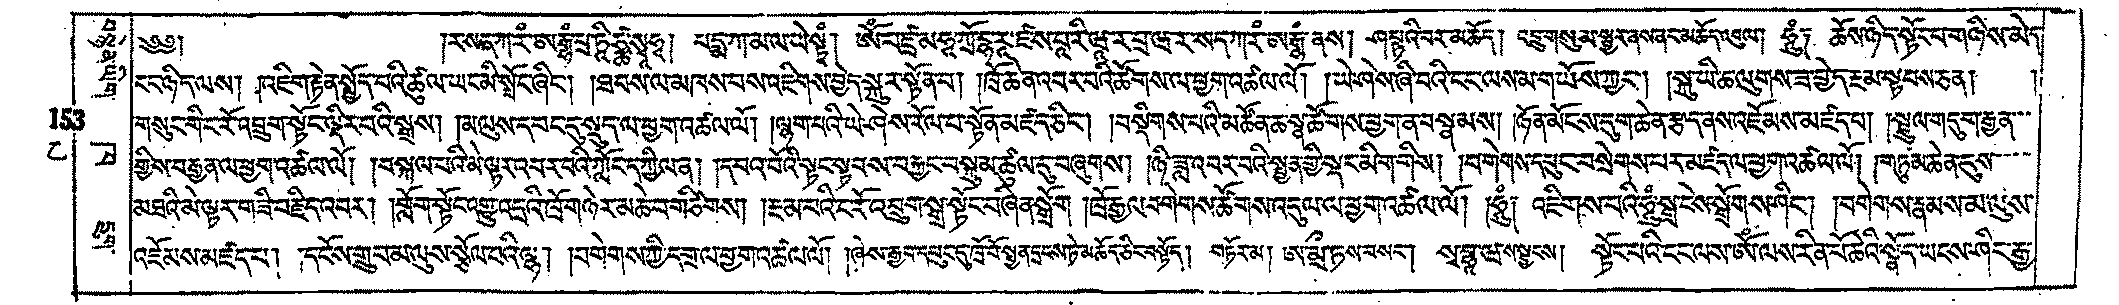༄༅། །ར་སད་ཀ་རཾ་ཨརྒྷཾ་པྲ་ཏཱིཙྪ་སྭཱ་ཧཱ། པདམ་ཀ་མ་ལ་ཡེ་སྟྭཾ། ཨོཾ་བཛྲ་མཧཱ་ཀྲོ་དྷ་རཱ་ཛ་ས་པཱ་རི་ཝཱ་ར་པྲ་ཝ་ར་སད་ཀ་རཾ་ཨརྒྷཾ་ནས། ཤཔྟའི་བར་མཆོད། འབྲུ་གསུམ་སྦྱར་ནས་ནང་མཆོད་འབུལ། ཧཱུཾཿ ཆོས་ཉིད་སྟོང་པ་གཉིས་མེད་
ངག་ཉིད་ལས། །འཇིག་རྟེན་སྤྱོད་པའི་ཚུལ་ཡང་མི་སྤོང་ཞིང་། །ཐབས་ལ་མཁས་པས་འཇིགས་བྱེད་སྐུར་སྟོན་པ། །ཁྲོ་ཆེན་འབར་བའི་ཚོགས་ལ་ཕྱག་འཚལ་ལོ། །ཡེ་ཤེས་ཞི་བའི་ངག་ལས་མ་གཡོགས་ཀྱང་། །སྐུ་ཡི་ལུགས་ཟ་བྱེད་རྔམ་བསྟབས་ཅན། །
གསུང་གི་ང་རོ་འབྲུག་སྟོང་ལྡིར་བའི་སྒྲས། །མ་ལུས་དབང་དུ་སྡུད་ལ་ཕྱག་འཚལ་ལོ། །ལྷག་པའི་ཡེ་ཤེས་རོལ་པ་སྟོན་མཛད་ཅིང་། །བསྡིགས་པའི་མཚོན་ཆ་སྣ་ཚོགས་ཕྱག་ན་བསྣམས། །ཉོན་མོངས་དུག་ཆེན་རྩད་ནས་འཇོམས་མཛད་པ། །སྦྲུལ་གདུག་རྒྱན་་་
གྱིས་བརྒྱན་ལ་ཕྱག་འཚལ་ལོ། །བསྐལ་པའི་མེ་ལྟར་འབར་བའི་ཀློང་དཀྱིལ་ན། །དཔའ་བོའི་ལྟང་སྟབས་བརྐྱང་བསྐུམ་ཚུལ་དུ་བཞུགས། །ཉི་ཟླ་འབར་བའི་སྦྱན་གྱི་སྡང་མིག་གིས། །བགེགས་དཔུང་བསྲེགས་པར་མཛད་ལ་ཕྱག་འཚལ་ལོ། །གཏུམ་ཆེན་དུས་་་
མཐའི་མེ་ལྟར་གཟི་བརྗིད་འབར། །གློག་སྟོང་འགྱུ་འདྲའི་ཁྲོ་གཉེར་མཆེ་བ་གཙིགས། །རྔམ་པའི་ང་རོ་འབྲུག་སྒྲ་སྟོང་བཞིན་སྒྲོག། །ཁྲོ་རྒྱལ་བགེགས་ཚོགས་འདུལ་ལ་ཕྱག་འཚལ་ལོ། །ཧཱུཾཿ འཇིགས་པའི་ཧཱུཾ་སྒྲ་ངེས་སྒྲོགས་ཤིང་། །བགེགས་རྣམས་མ་ལུས་
འཇོམས་མཛད་པ། །དངོས་གྲུབ་མ་ལུས་སྩོལ་བའི་ལྷ། །བགེགས་ཀྱི་དགྲ་ལ་ཕྱག་འཚལ་ལོ། ། ཞེས་བརྒྱབ་དཔུང་དུ་ཁྲོ་བོ་སྦྱན་དྲངས་ཏེ་མཆོད་ཅིང་བསྟོད། གཏོར་མ། ཨ་མྲྀ་ཏས་བསང་། སྭ་བྷཱ་ཝས་སྦྱངས།  སྟོང་པའི་ངང་ལས་ཨོཾ་ལས་རིན་པོ་ཆེའི་སྣོད་ཡངས་ཤིང་རྒྱ་